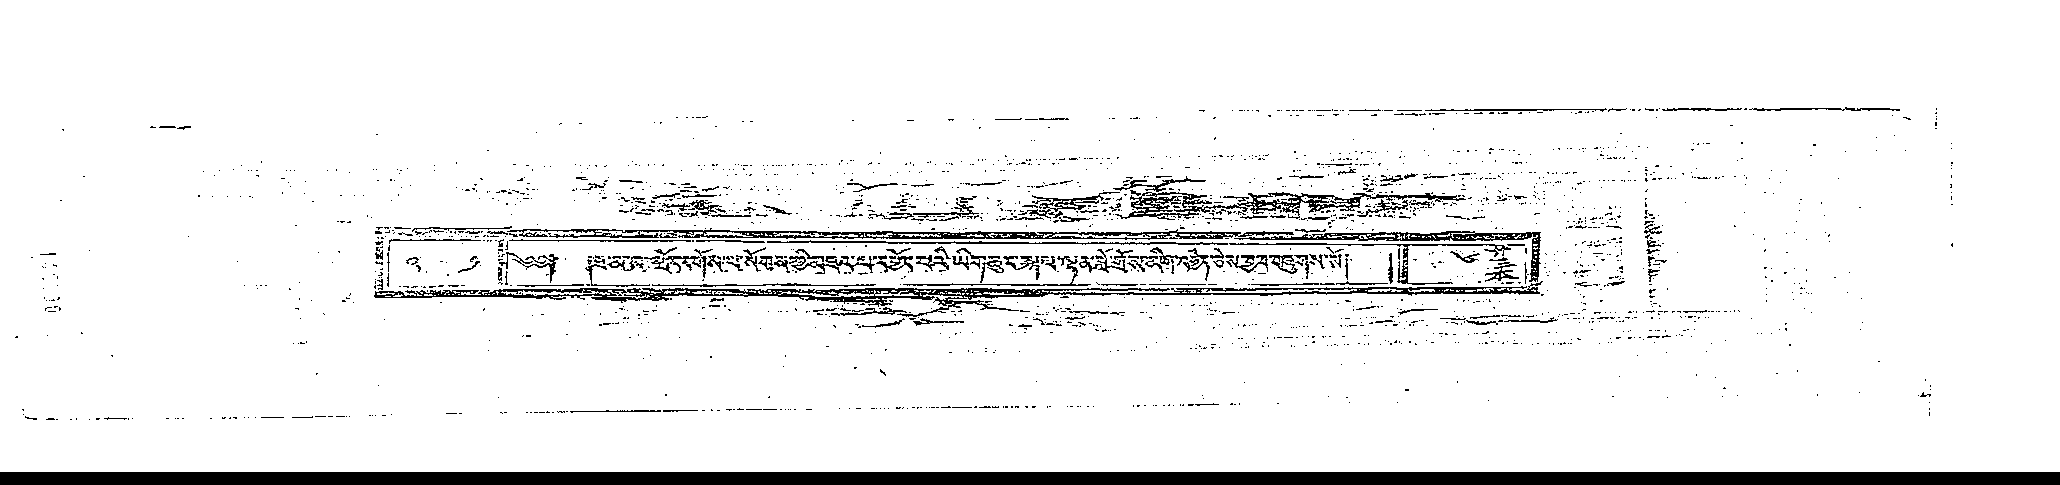ཏ ༢༣?
༄༅། །ཐ་མ་ཁ་སྤོང་དགོས་པ་སོགས་ཀྱི་མཐའ་ལ་དཔྱོད་པའི་ཡིག་ཆུང་སྐལ་ལྡན་བློ་གྲོས་མིག་འབྱེད་ཅེས་བྱ་བ་བཞུགས་སོ། །